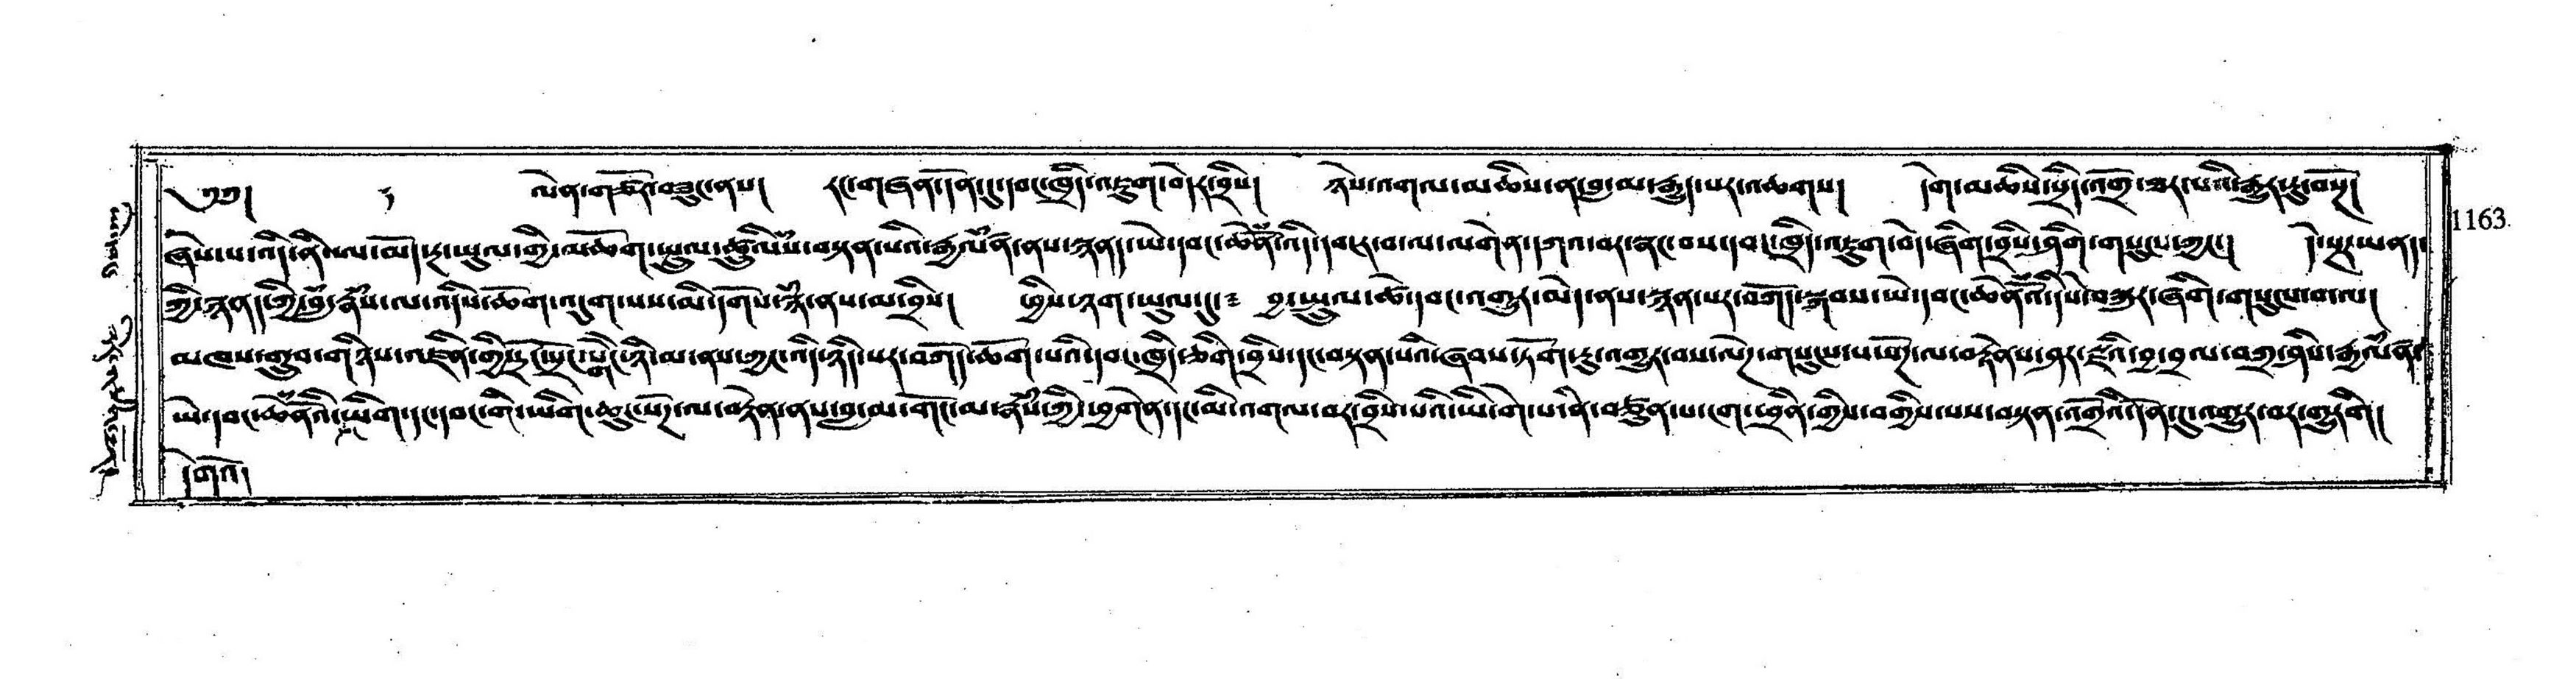ལེན་གཙོར་བཟུང་ནས། རང་གཞན་དོན་དུ་དབང་ཁྲིད་འཇུག་བདེར་བྲིས། ཉེས་འགལ་མཆིས་ན་བླ་མ་བརྒྱུད་པར་འཆགས། དགེ་མཆིས་སྲིད་འགྲོ་ཐར་པའི་རྒྱུ་རུ་བསྔོ། །
ཞེས་པ་འདི་ནི་ཨ་མདོ་རྔ་ཡུལ་གྱི་མཆོག་སྤྲུལ་ཚུལ་ཁྲིམས་བསྟན་པའི་རྒྱལ་མཚན་ནས་སྙན་རྒྱུད་ཡེ་དབང་ཆེན་མོ་འདི་དབང་བསྐུར་བ་ལ་ལག་ལེན་དཀའ་བར་སྣང་བས་དབང་ཁྲིད་འཇུག་བདེ་ཞིག་བྲིས་ཤིག་གསུངས་ཀྱང་། དེ་སྔར་ཡན་ཆད་
ཀྱི་སྙན་རྒྱུད་ཀྱི་བླ་མ་རྣམས་ལ་འདིས་ཆོག་འདུག་པས་མི་དགོས་སྙམ་ནས་མ་བྲིས། ཕྱིས་ཉག་ཡུལ་དུ། བྱ་སྤྲུལ་ཚེ་དབང་འགྱུར་མེད་ནས་སྙན་པར་བཀོད་སྐབས་ཡེ་དབང་ཆེན་མོའི་དཔེ་བསྐུར་ཞིག་གསུངས་བ་ལ། 
མཁས་གྲུབ་གཉིས་འཛིན་གྱི་དྲང་སྲོང་སེང་གེ་ཉི་མ་ནས་ཀྱང་འདི་ཉིད་པར་བཀོད་ཆོག་པའི་དབང་ཁྲིད་ཅིག་བྲིས་དང་བསྟན་པའི་ཞབས་ཏོག་ཏུ་འགྱུར་བས་ལེགས་གསུངས་པ་སོགས་ལ་བརྟེན་ནས་ཤར་རྫའི་བྱ་བྲལ་བཀྲ་ཤིས་རྒྱལ་མཚན་གྱིས་
ཡེ་དབང་ཆེན་མོའི་དབང་ཡིག་དང་དབང་གི་ཡིག་ཆུང་སོགས་ལ་བརྟེན་ནས་བླ་མ་གོང་མ་རྣམས་ཀྱི་ཕྱག་ལེན་དང་མི་འགལ་བར་བྲིས་པའི་ཡི་གེ་པ་ནི་བཙུན་པ་ངག་ཕྲིན་གྱིས་བགྱིས་པས་བསྟན་འགྲོའི་དོན་དུ་འགྱུར་བར་གྱུར་ཅིག་དགེའོ།